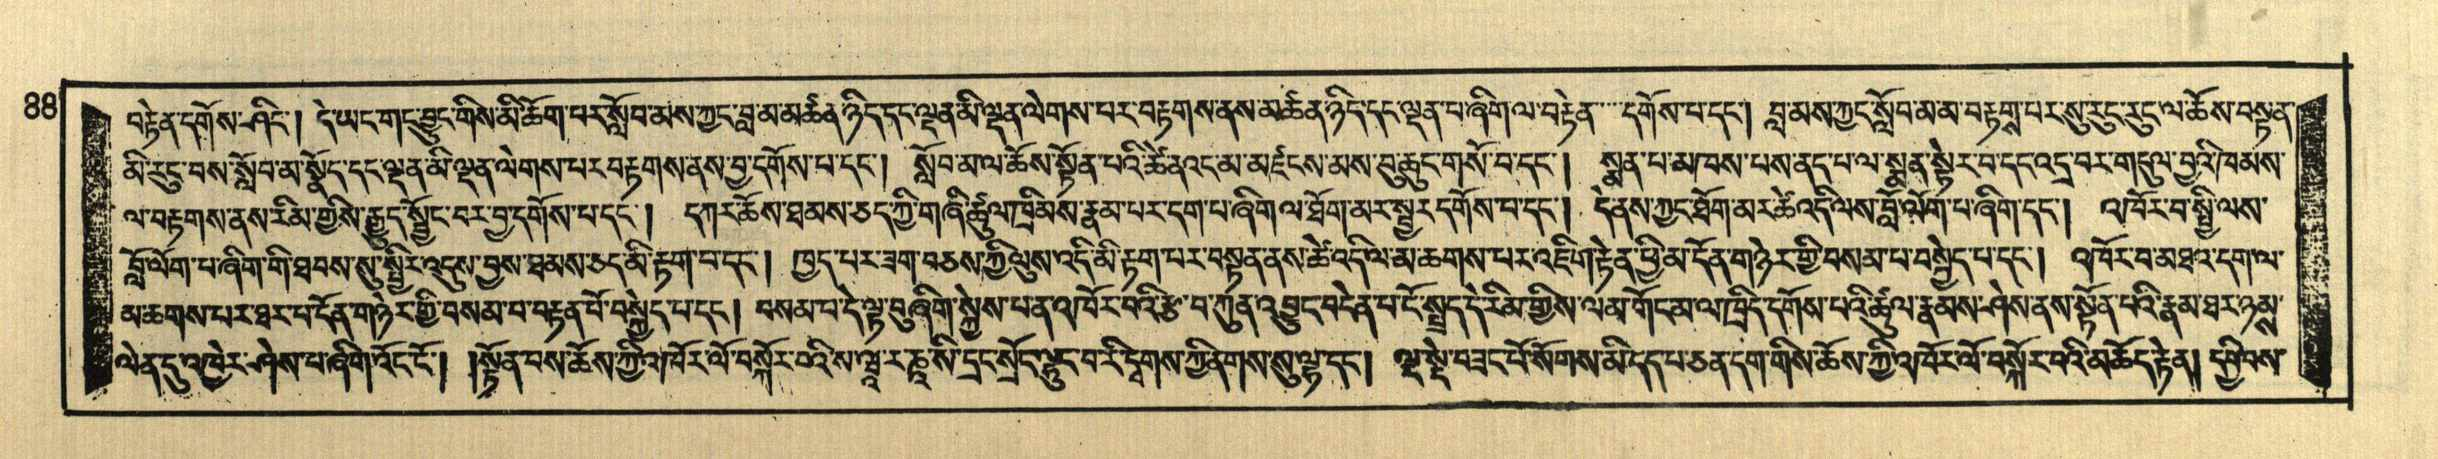བརྟེན་དགོས་ཤིང་། དེ་ཡང་གང་བྱུང་གིས་མི་ཆོག་པར་སློབ་མས་ཀྱང་བླ་མ་མཚན་ཉིད་དང་ལྡན་མི་ལྡན་ལེགས་པར་བརྟགས་ནས་མཚན་ཉིད་དང་ལྡན་པ་ཞིག་ལ་བརྟེན་དགོས་པ་དང་། བླ་མས་ཀྱང་སློབ་མ་མ་བརྟགས་པར་སུ་རུང་རུང་ལ་ཆོས་བསྟན་
མི་རུང་བས་སློབ་མ་སྣོད་དང་ལྡན་མི་ལྡན་ལེགས་པར་བརྟགས་ནས་བྱ་དགོས་པ་དང་། སློབ་མ་ལ་ཆོས་སྟོན་པའི་ཚེ་ནའང་མ་མཛངས་མས་བུ་ཆུང་གསོ་བ་དང་། སྨན་པ་མཁས་པས་ནད་པ་ལ་སྨན་སྟེར་བ་དང་འདྲ་བར་གདུལ་བྱའི་ཁམས་
ལ་བརྟགས་ནས་རིམ་གྱིས་རྒྱུད་སྦྱོང་བར་བྱ་དགོས་པ་དང་། དཀར་ཆོས་ཐམས་ཅད་ཀྱི་གཞི་ཚུལ་ཁྲིམས་རྣམ་པར་དག་པ་ཞིག་ལ་ཐོག་མར་སྦྱར་དགོས་པ་དང་། དེ་ནས་ཀྱང་ཐོག་མར་ཚེ་འདི་ལས་བློ་ལོག་པ་ཞིག་དང་། འཁོར་བ་སྤྱི་ལས་
བློ་ལོག་པ་ཞིག་གི་ཐབས་སུ་སྤྱིར་འདུས་བྱས་ཐམས་ཅད་མི་རྟག་པ་དང་། ཁྱད་པར་ཟག་བཅས་ཀྱི་ལུས་འདི་མི་རྟག་པར་བསྟན་ནས་ཚེ་འདི་ལ་མ་ཆགས་པར་འཇིག་རྟེན་ཕྱི་མ་དོན་གཉེར་གྱི་བསམ་པ་བསྐྱེད་པ་དང་། འཁོར་བ་མཐའ་དག་ལ་
མ་ཆགས་པར་ཐར་པ་དོན་གཉེར་གྱི་བསམ་བ་བརྟན་པོ་བསྐྱེད་པ་དང་། བསམ་པ་དེ་ལྟ་བུ་ཞིག་སྐྱེས་པ་ན་འཁོར་བའི་རྩ་བ་ཀུན་འབྱུང་བདེན་པ་ངོ་སྤྲད་དེ་རིམ་གྱིས་ལམ་གོང་མ་ལ་ཁྲིད་དགོས་པའི་ཚུལ་རྣམས་ཤེས་ནས་སྟོན་པའི་རྣམ་ཐར་ཉམས་
ལེན་དུ་འཁྱེར་ཤེས་པ་ཞིག་འོང་ངོ། །སྟོན་བས་ཆོས་ཀྱི་འཁོར་ལོ་བསྐོར་བའི་ས་ཝཱ་ར་ཎཱ་སི་དྲང་སྲོང་ལྷུང་བ་རི་དྭགས་ཀྱི་ནགས་སུ་ལྷ་དང་། ལྔ་སྡེ་བཟང་པོ་སོགས་མི་དད་པ་ཅན་དག་གིས་ཆོས་ཀྱི་འཁོར་ལོ་བསྐོར་བའི་མཆོད་རྟེན། དབྱིབས་